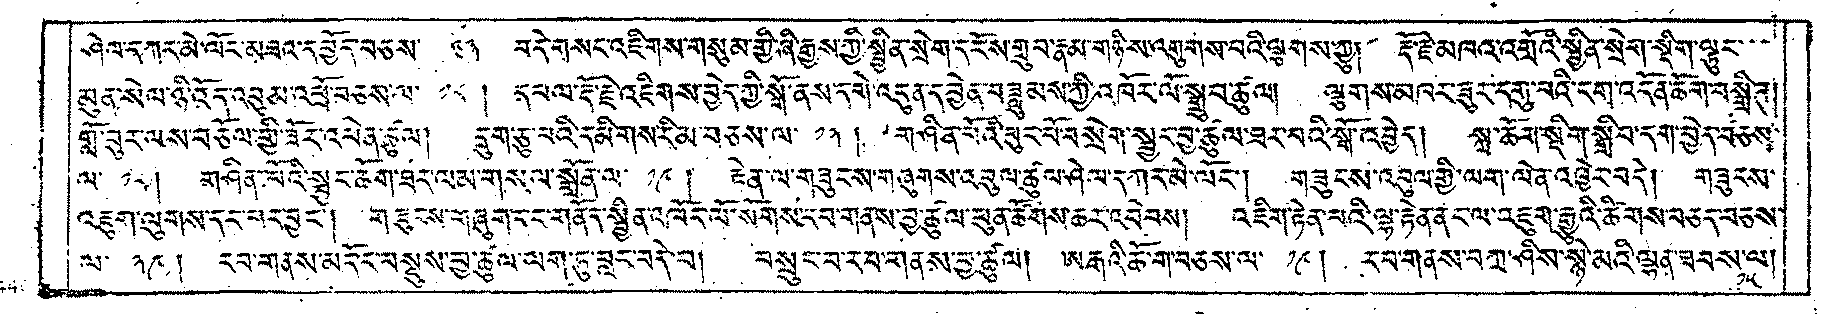ཤེལ་དཀར་མེ་ལོང་མཐའ་དྱོད་བཅས ༤༣་བདེ་གང་འཇིགས་གསུམ་གྱི་ཞི་རྒྱས་ཀྱི་སྦྱིན་སྲེག་དངོས་གྲུབ་རྣམ་གཉིས་འགུགས་པའི་ལྕགས་ཀྱུ། རྡོ་རྗེ་མཁའ་འགྲོའི་སྦྱིན་སྲེག་སྡིག་ལྟུང་
མུན་སེལ་ཉི་འོད་འབུམ་འཕྲོ་བཅས་ལ ༡༨། དཔལ་རྡོ་རྗེ་འཇིགས་བྱེད་ཀྱི་སྒོ་ནས་དགེ་འདུན་དབྱེན་བཟླུམས་ཀྱི་འཁོར་ལོ་སྒྲུབ་ཚུལ། ལྕགས་མཁར་ཟུར་དགུ་པའི་ངག་འདོན་ཆོག་བསྒྲིགས།
གློ་བུར་ལས་བཅོལ་གྱི་ཟོར་འཕེན་ཚུལ། དྲུག་ཅུ་པའི་དམིགས་རིམ་བཅས་ལ ༡༢། གཤིན་པོའི་ཕུང་པོ་བསྲེག་སྦྱང་བྱ་ཚུལ་ཐར་བའི་སྒོ་འབྱེད། སྐྲ་ཆོག་སྡིག་སྒྲིབ་དག་བྱེད་བཅས་
ལ ༡༨། གཤིན་པོའི་སྦྱང་ཆོག་ཐར་ལམ་གསལ་སྒྲོན་ལ ༡༩། རྟེན་ལ་གཟུངས་གཞུགས་འབུལ་ཚུལ་ཤེལ་དཀར་མེ་ལོང་། གཟུངས་འབུལ་གྱི་ལག་ལེན་འཁྱེར་བདེ། གཟུངས་
འཇུག་ལུགས་དང་པར་བྱང་། གཟུངས་གཞུག་དང་གནོད་སྦྱིན་འཁོར་ལོ་སོགས་རབ་གནས་བྱ་ཚུལ་ཕུན་ཚོགས་ཆར་འབེབས། འཇིག་རྟེན་པའི་ལྷ་རྟེན་ནང་ལ་འཇུག་རྒྱུའི་ཚིགས་བཅད་བཅས་
ལ ༢༩། རབ་གནས་མདོར་བསྡུས་བྱ་ཚུལ་ལག་ཏུ་བླང་བདེ་བ། བསྲུང་བ་རབ་གནས་བྱ་ཚུལ། ཨརྒའི་ཆོ་ག་བཅས་ལ ༡༩། རབ་གནས་བཀྲ་ཤིས་སྙེ་མའི་ལྷན་ཐབས་ལ ༡༥།